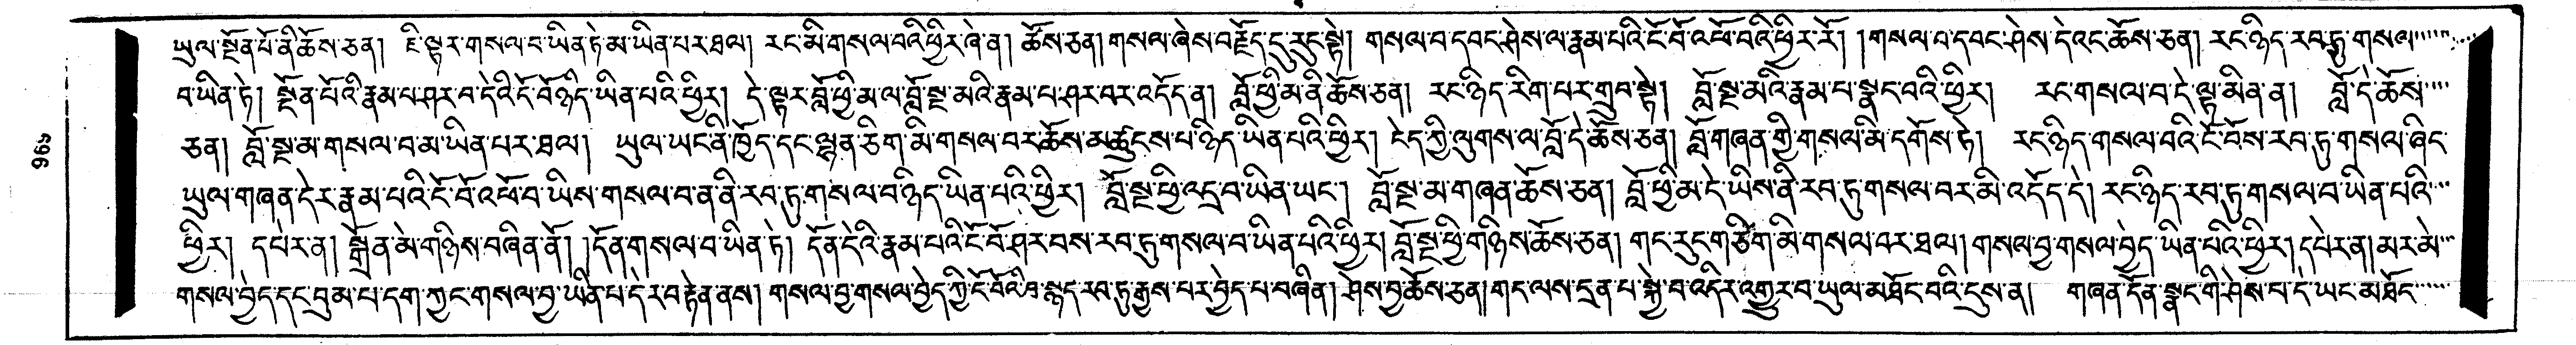ཡུལ་སྔོན་པོ་ནི་ཆོས་ཅན། ཇི་ལྟར་གསལ་བ་ཡིན་ཏེ་མ་ཡིན་པར་ཐལ། རང་མི་གསལ་བའི་ཕྱིར་ཞེ་ན། ཆོས་ཅན། གསལ་ཞེས་བརྗོད་དུ་རུང་སྟེ། གསལ་བ་དབང་ཤེས་ལ་རྣམ་པའི་ངོ་བོ་འཕོ་བའི་ཕྱིར་རོ། །གསལ་བ་དབང་ཤེས་དེའང་ཆོས་ཅན། རང་ཉིད་རབ་ཏུ་གསལ་
བ་ཡིན་ཏེ། སྔོན་པོའི་རྣམ་པ་ཤར་བ་དེའི་ངོ་བོ་ཉིད་ཡིན་པའི་ཕྱིར། དེ་ལྟར་བློ་ཕྱི་མ་ལ་བློ་སྔ་མའི་རྣམ་པ་ཤར་བར་འདོད་ན། བློ་ཕྱི་མ་ནི་ཆོས་ཅན། རང་ཉིད་རིག་པར་གྲུབ་སྟེ། བློ་སྔ་མའི་རྣམ་པ་སྣང་བའི་ཕྱིར། རང་གསལ་བ་དེ་ལྟ་མིན་ན། བློ་དེ་ཆོས་
ཅན། བློ་སྔ་མ་གསལ་བ་མ་ཡིན་པར་ཐལ། ཡུལ་ཡང་ནི་ཁྱོད་དང་ལྷན་ཅིག་མི་གསལ་བར་ཆོས་མཚུངས་པ་ཉིད་ཡིན་པའི་ཕྱིར། ངེད་ཀྱི་ལུགས་ལ་བློ་དེ་ཆོས་ཅན། བློ་གཞན་གྱི་གསལ་མི་དགོས་ཏེ། རང་ཉིད་གསལ་བའི་ངོ་བོས་རབ་ཏུ་གསལ་ཞིང་
ཡུལ་གཞན་དེར་རྣམ་པའི་ངོ་བོ་འཕོ་བ་ཡིས་གསལ་བ་ན་ནི་རབ་ཏུ་གསལ་བ་ཉིད་ཡིན་པའི་ཕྱིར། བློ་སྔ་ཕྱི་འདྲ་བ་ཡིན་ཡང་། བློ་སྔ་མ་གཞན་ཆོས་ཅན། བློ་ཕྱི་མ་དེ་ཡིས་ནི་རབ་ཏུ་གསལ་བར་མི་འདོད་དེ། རང་ཉིད་རབ་ཏུ་གསལ་བ་ཡིན་པའི་
ཕྱིར། དཔེར་ན། སྒྲོན་མེ་གཉིས་བཞིན་ནོ། །དོན་གསལ་བ་ཡིན་ཏེ། དོན་དེའི་རྣམ་པའི་ངོ་བོ་ཤར་བས་རབ་ཏུ་གསལ་བ་ཡིན་པའི་ཕྱིར། བློ་སྔ་ཕྱི་གཉིས་ཆོས་ཅན། གང་རུང་གཅིག་མི་གསལ་བར་ཐལ། གསལ་བྱ་གསལ་བྱེད་ཡིན་པའི་ཕྱིར། དཔེར་ན། མར་མེ་
གསལ་བྱེད་དང་བུམ་པ་དག་ཀྱང་གསལ་བྱ་ཡིན་པ་དེར་བརྟེན་ནས། གསལ་བྱ་གསལ་བྱེད་ཀྱི་ངོ་བོའི་ཐ་སྙད་རབ་ཏུ་རྒྱས་པར་བྱེད་པ་བཞིན། ཤེས་བྱ་ཆོས་ཅན། གང་ལས་དྲན་པ་སྐྱེ་བ་འདིར་འགྱུར་བ་ཡུལ་མཐོང་བའི་དུས་ན། གཞན་དོན་སྣང་གི་ཤེས་པ་དེ་ཡང་མཐོང་